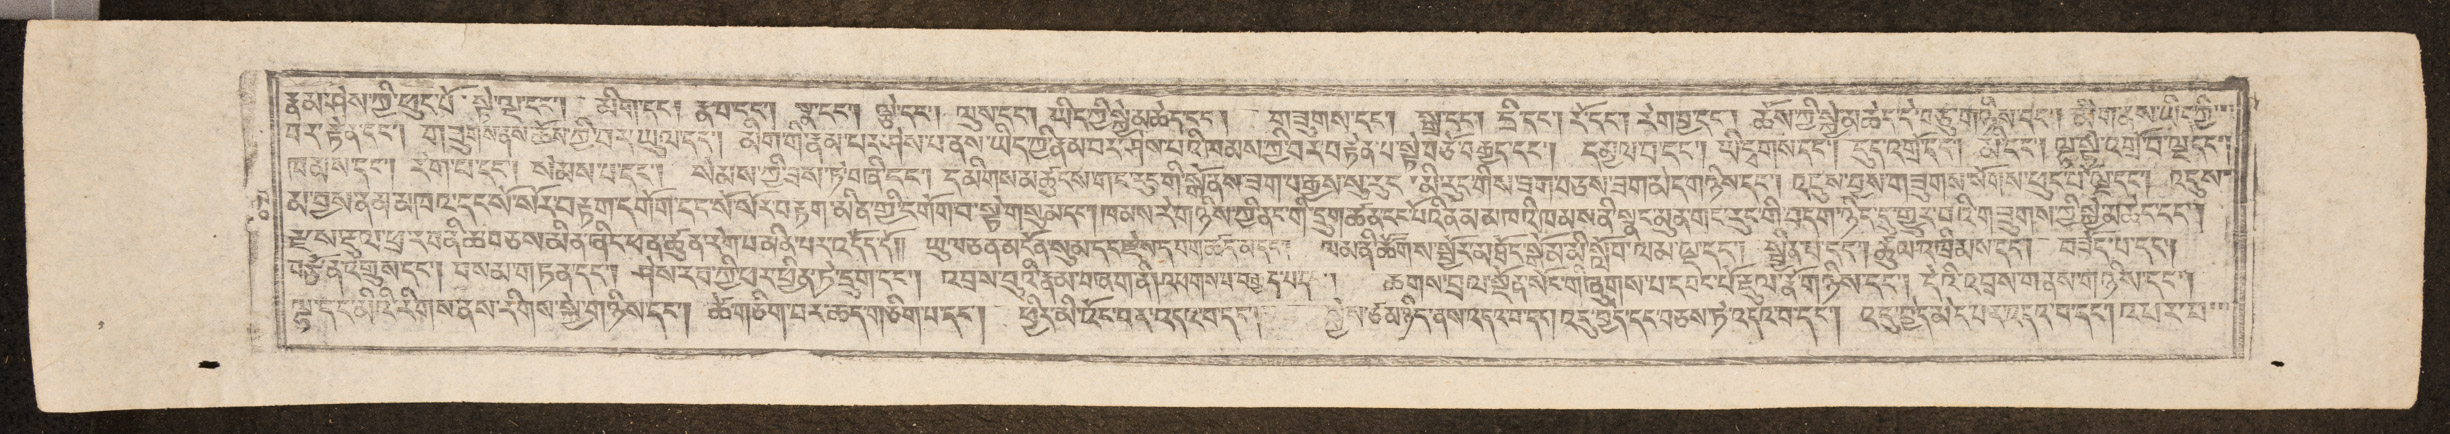རྣམ་ཤེས་ཀྱི་ཕུང་པོ་སྟེ་ལྔ་དང་། མིག་དང་། རྣ་བ་དང་། སྣ་དང་། ལྕེ་དང་། ལུས་དང་། ཡིད་ཀྱི་སྐྱེ་མཆེད་དང་། གཟུགས་དང་། སྒྲ་དང་། དྲི་དང་། རོ་དང་། རེག་བྱ་དང་། ཆོས་ཀྱི་སྐྱེ་མཆེད་དེ་བཅུ་གཉིས་དང་། མིག་ནས་ཡིད་ཀྱི་
བར་རྟེན་དང་། གཟུགས་ནས་ཆོས་ཀྱི་བར་ཡུལ་དང་། མིག་གི་རྣམ་པར་ཤེས་པ་ནས་ཡིད་ཀྱི་རྣམ་པར་ཤེས་པའི་ཁམས་ཀྱི་བར་བརྟེན་པ་སྟེ་བཅོ་བརྒྱད་དང་། དམྱལ་བ་དང་། ཡི་དྭགས་དང་། དུད་འགྲོ་དང་། མི་དང་། ལྷ་སྟེ་འགྲོ་བ་ལྔ་དང་།
ཁམས་དང་། རེག་པ་དང་། སེམས་པ་དང་། སེམས་ཀྱི་ཟས་ཏེ་བཞི་དང་། དམིགས་མཚུངས་གང་རུང་གི་སྒོ་ནས་ཟག་པ་རྒྱས་སུ་རུང་མི་རུང་གིས་ཟག་བཅས་ཟག་མེད་གཉིས་དང་། འདུས་བྱས་གཟུགས་སོགས་ཕུང་པོ་ལྔ་དང་། འདུས་
མ་བྱས་ནམ་མཁའ་དང་སོ་སོར་བརྟག་དགོག་དང་སོ་སོར་བརྟག་མིན་གྱི་དགོག་པ་སྟེ་གསུམ་དང་། ཁམས་རེ་གཉིས་ཀྱི་ནང་གི་དྲུག་ཚན་དང་པོའི་ནམ་མཁའི་ཁམས་ནི་སྣང་མུན་གང་རུང་གི་བདག་ཉིད་དུ་གྱུར་བའི་གཟུགས་ཀྱི་སྐྱེ་མཆེད་དང་།
རྫས་རྡུལ་ཕྲ་རབ་ནི་ཆ་བཅས་མིན་ཞིང་ཕན་ཚུན་རེག་པ་མིན་པར་འདོད་དོ།། ཡུལ་ཅན་མངོན་སུམ་དང་རྗེས་དཔག་ཚད་མ་དང་། ལམ་ནི་ཚོགས་སྦྱོར་མཐོང་སྒོམ་མི་སློབ་ལམ་ལྔ་དང་། སྦྱིན་པ་དང་། ཚུལ་འཁྲིམས་དང་། བཟོད་པ་དང་།
བརྩོན་འགྲུས་དང་། བསམ་གཏན་དང་། ཤེས་རབ་ཀྱི་ཕར་ཕྱིན་ཏེ་དྲུག་དང་། འབྲས་བུའི་རྣམ་བཞག་ནི། འཕགས་པ་བརྒྱད་པ་དང་། ཆགས་བྲལ་སྔོན་སོང་གི་ཞུགས་པ་དབང་པོ་རྡུལ་རྣོ་གཉིས་དང་། དེའི་འབྲས་གནས་གཉིས་དང་།
ལྷ་དང་མིའི་རིགས་ནས་རིགས་སྐྱེ་གཉིས་དང་། ཚེ་གཅིག་བར་ཆད་གཅིག་པ་དང་། ཕྱིར་མི་འོང་བར་འདའ་བ་དང་། སྐྱེས་ཙམ་ཉིད་ནས་འདའ་བ་དང་། འདུ་བྱེད་དང་བཅས་ཏེ་འདའ་བ་དང་། འདུ་བྱེད་མེད་པར་འདའ་བ་དང་། འཕར་བ་